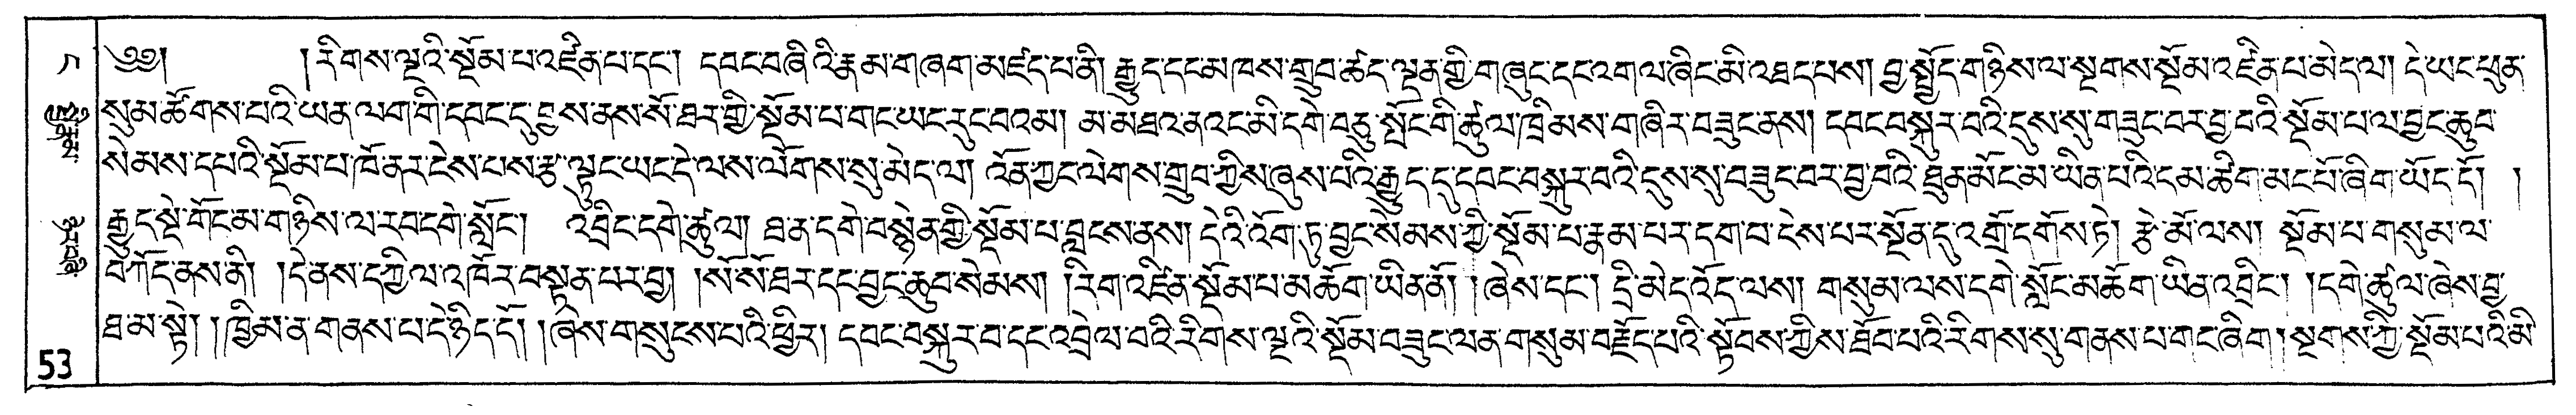༄༅། །རིགས་ལྔའི་སྡོམ་པ་འཛིན་པ་དང་། དབང་བཞིའི་རྣམ་གཞག་མཛད་པ་ནི། རྒྱུད་དང་མཁས་གྲུབ་ཚད་ལྡན་གྱི་གཞུང་དང་འགལ་ཞིང་མི་འཐད་པས། བྱ་སྤྱོད་གཉིས་ལ་སྔགས་སྡོམ་འཛིན་པ་མེད་ལ། དེ་ཡང་ཕུན་
སུམ་ཚོགས་པའི་ཡན་ལག་གི་དབང་དུ་བྱས་ནས་སོ་ཐར་གྱི་སྡོམ་པ་གང་ཡང་རུང་བའམ། མ་མཐའ་ནའང་མི་དགེ་བཅུ་སྤོང་གི་ཚུལ་ཁྲིམས་གཞིར་བཟུང་ནས། དབང་བསྐུར་བའི་དུས་སུ་གཟུང་བར་བྱ་བའི་སྡོམ་པ་ལ་བྱང་ཆུབ་
སེམས་དཔའི་སྡོམ་པ་ཁོ་ནར་ངེས་པས་རྩ་ལྟུང་ཡང་དེ་ལས་ལོགས་སུ་མེད་ལ། འོན་ཀྱང་ལེགས་གྲུབ་ཀྱིས་ཞུས་པའི་རྒྱུད་དུ་དབང་བསྐུར་བའི་དུས་སུ་བཟུང་བར་བྱ་བའི་ཐུན་མོང་མ་ཡིན་པའི་དམ་ཚིག་མང་པོ་ཞིག་ཡོད་དོ། །
རྒྱུད་སྡེ་གོང་མ་གཉིས་ལ་རབ་དགེ་སློང་། འབྲིང་དགེ་ཚུལ། ཐ་ན་དགེ་བསྙེན་གྱི་སྡོམ་པ་བླངས་ནས། དེའི་འོག་ཏུ་བྱང་སེམས་ཀྱི་སྡོམ་པ་རྣམ་པར་དག་པ་ངེས་པར་སྔོན་དུ་འགྲོ་དགོས་ཏེ། རྩེ་མོ་ལས། སྡོམ་པ་གསུམ་ལ་
བཀོད་ནས་ནི། །དེ་ནས་དཀྱིལ་འཁོར་བསྟན་པར་བྱ། །སོ་སོ་ཐར་དང་བྱང་ཆུབ་སེམས། །རིག་འཛིན་སྡོམ་པ་མཆོག་ཡིན་ནོ། །ཞེས་དང་། དྲི་མེད་འོད་ལས། གསུམ་ལས་དགེ་སློང་མཆོག་ཡིན་འབྲིང་། །དགེ་ཚུལ་ཞེས་བྱ་
ཐ་མ་སྟེ། །ཁྱིམ་ན་གནས་པ་དེ་ཉིད་དོ། །ཞེས་གསུངས་པའི་ཕྱིར། དབང་བསྐུར་བ་དང་འབྲེལ་བའི་རིགས་ལྔའི་སྡོམ་བཟུང་ལན་གསུམ་བརྗོད་པའི་སྟོབས་ཀྱིས་ཐོབ་པའི་རིགས་སུ་གནས་པ་གང་ཞིག །སྔགས་ཀྱི་སྡོམ་པའི་མི་